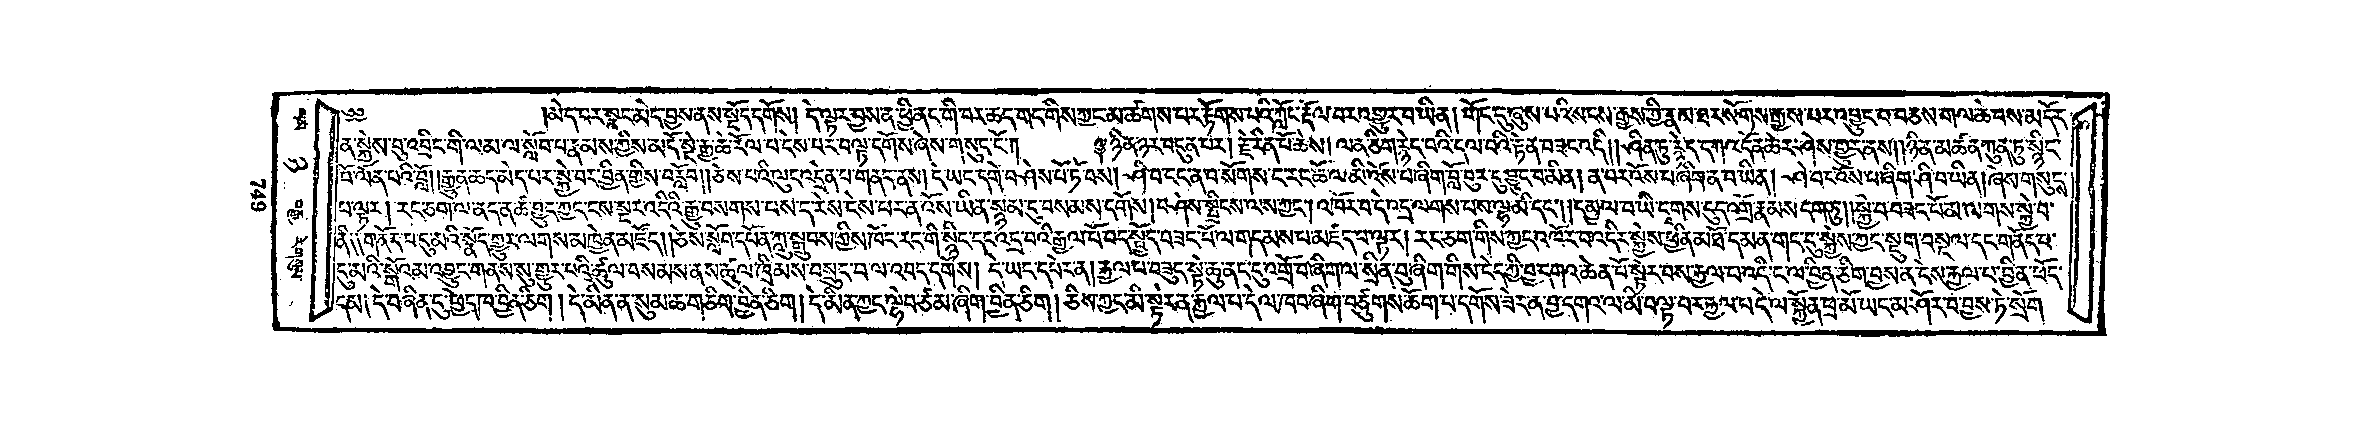༄༅། །མེད་པར་སྣང་མེད་བྱས་ནས་སྡོད་དགོས། དེ་ལྟར་བྱས་ན་ཕྱི་ནང་གི་བར་ཆད་གང་གིས་ཀྱང་མ་ཚགས་པར་རྟོགས་པའི་ཀློང་རྡོལ་བར་འགྱུར་བ་ཡིན། གོང་དུ་ཞུས་པའི་སངས་རྒྱས་ཀྱི་རྣམ་ཐར་སོགས་རྒྱས་པར་འབྱུང་བ་བཅས་གལ་ཆེ་བས་མདོར་
ན་སྐྱེས་བུ་འབྲིང་གི་ལམ་ལ་སློབ་པ་རྣམས་ཀྱིས་མདོ་སྡེ་རྒྱ་ཆེ་རོལ་པ་ངེས་པར་བལྟ་དགོས་ཞེས་གསུང་ངོ།། ༈ ཉིན་ཉར་བདུན་པར། རྗེ་རིན་པོ་ཆེས། ལན་ཅིག་རྙེད་པའི་དལ་བའི་རྟེན་བཟང་འདི། །ཤིན་ཏུ་རྙེད་དཀའ་དོན་ཆེར་ཤེས་གྱུར་ནས། །ཉིན་མཚན་ཀུན་ཏུ་སྙིང་
བོ་ལེན་པའི་བློ། །རྒྱུན་ཆད་མེད་པར་སྐྱེ་བར་བྱིན་གྱིས་བརློབ། །ཅེས་པའི་ལུང་འདྲེན་པ་གནང་ནས། དེ་ཡང་དགེ་བཤེས་པོ་ཏོ་བས། ཤི་བ་དང་ན་བ་སོགས་ང་རང་ཆོ་ལ་མི་འོས་པ་ཞིག་བློ་བུར་དུ་བྱུང་བ་མིན། ན་བར་འོས་པ་ཞིག་ན་བ་ཡིན། ཤེ་བང་འོས་པ་ཞིག་ཤི་བ་ཡིན། ཞེས་གསུངས་
པ་ལྟར། རང་ཅག་ལ་ནད་ན་ཚ་བྱུང་ཀྱང་ངས་སྔར་འདིའི་རྒྱུ་བསགས་པས་ད་རེས་ངེས་པར་ན་འོས་ཡིན་སྙམ་དུ་བསམས་དགོས། བཤེས་སྤྲིངས་ལས་ཀྱང་། འཁོར་བ་དེ་འདྲ་ལགས་པས་ལྷ་མི་དང་། །དམྱལ་བ་ཡི་དྭགས་དུད་འགྲོ་རྣམས་དག་ཏུ། །སྐྱེ་བ་བཟང་པོ་མ་ལགས་སྐྱེ་བ་
ནི། །གནོད་པ་དུ་མའི་སྣོད་གྱུར་ལགས་མཁྱེན་མཛོད། །ཅེས་སློབ་དཔོན་ཀླུ་སྒྲུབས་ཀྱིས་ཁོང་རང་གི་སྙིང་དང་འདྲ་བའི་རྒྱལ་པོ་བད་སྤྱོད་བཟང་པོ་ལ་གདམས་པ་མཛད་པ་ལྟར། རང་ཅག་གིས་ཀྱང་འཁོར་བ་འདིར་སྐྱེས་ཕྱིན་མཐོ་དམན་གང་དུ་སྐྱེས་ཀྱང་སྡུག་བསྔལ་དང་གནོད་པ་
དུ་མའི་སྒོའམ་འབྱུང་གནས་སུ་གྱུར་པའི་ཚུལ་བསམས་ནས་ཚུལ་ཁྲིམས་བསྲུང་བ་ལ་འབད་དགོས། དེ་ཡང་དཔེར་ན། རྐྱལ་པ་བཟུང་སྟེ་ཆུ་ནང་དུ་འགྲོ་བ་ཞིག་ལ་སྲིན་བུ་ཞིག་གིས་ངེད་ཀྱི་བྱ་དགའ་ཆེན་པོ་སྟེར་བས་རྐྱལ་པ་འདི་ང་ལ་བྱིན་ཅིག་བྱས་ན་དེས་རྐྱལ་པ་བྱིན་ཕོད་
དམ། དེ་བཞིན་དུ་ཕྱེད་ཁ་བྱིན་ཅིག །དེ་མིན་ན་སུམ་ཆ་གཅིག་བྱིན་ཅིག །དེ་མིན་ཀྱང་ལྷེབ་ཙམ་ཞིག་བྱིན་ཅིག །ཅིས་ཀྱང་མི་སྟེར་ན་རྐྱལ་བ་དེ་ལ་ཁབ་ཞིག་བཙུགས་ཆོག་པ་དགོས་ཟེར་ན་བྱ་དགའ་ལ་མི་བལྟ་བར་རྐྱལ་པ་དེ་ལ་སྐྱོན་ཕྲ་མོ་ཡང་མ་ཤོར་བ་བྱས་ཏེ་སྲོག་